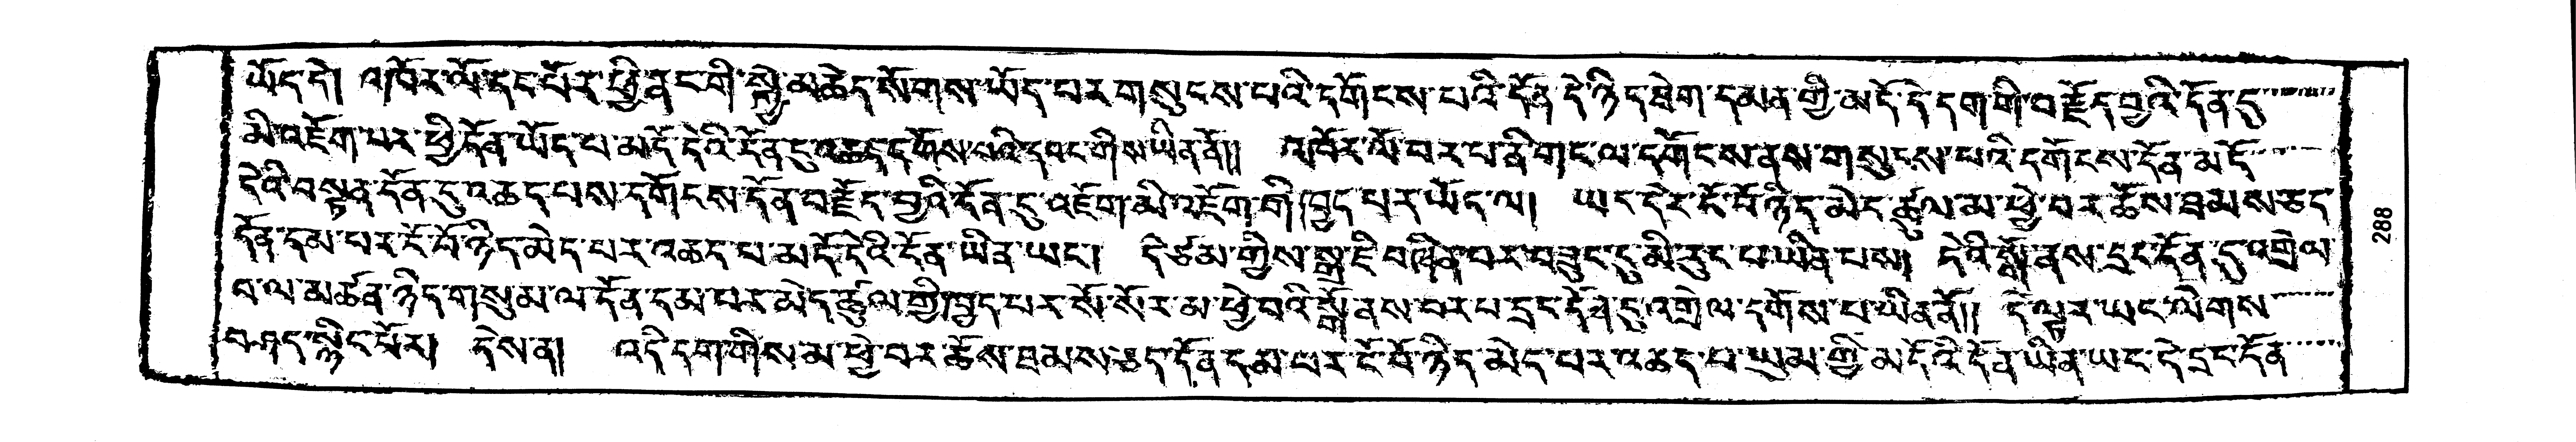ཡོད་དེ། འཁོར་ལོ་དང་པོར་ཕྱི་ནང་གི་སྐྱེ་མཆེད་སོགས་ཡོད་པར་གསུངས་པའི་དགོངས་པའི་དོན་དེ་ཉིད་ཐེག་དམན་གྱི་མདོ་དེ་དག་གི་བརྗོད་བྱའི་དོན་དུ་
མི་འཇོག་པར་ཕྱི་དོན་ཡོད་པ་མདོ་དེའི་དོན་དུ་འཆད་དགོས་པའི་དབང་གིས་ཡིན་ནོ། །འཁོར་ལོ་བར་བ་ནི་གང་ལ་དགོངས་ནས་གསུངས་པའི་དགོངས་དོན་མདོ་
དེའི་བསྟན་དོན་དུ་འཆད་པས་དགོངས་དོན་བརྗོད་བྱའི་དོན་དུ་འཇོག་མི་འཇོག་གི་ཁྱད་པར་ཡོད་ལ། ཡང་དེར་ངོ་བོ་ཉིད་མེད་ཚུལ་མ་ཕྱེ་བར་ཆོས་ཐམས་ཅད་
དོན་དམ་པར་ངོ་བོ་ཉིད་མེད་པར་འཆད་པ་མདོ་དེའི་དོན་ཡིན་ཡང་། དེ་ཙམ་གྱིས་སྒྲ་ཇི་བཞིན་པར་བཟུང་དུ་མི་རུང་བ་ཡིན་པས། དེའི་སྒོ་ནས་དྲང་དོན་དུ་འགྲེལ་
བ་ལ་མཚན་ཉིད་གསུམ་ལ་དོན་དམ་པར་མེད་ཚུལ་གྱི་ཁྱད་པར་སོ་སོར་མ་ཕྱེ་བའི་སྒོ་ནས་བར་བ་དྲང་དོན་དུ་འགྲེལ་དགོས་པ་ཡིན་ནོ། དེ་ལྟར་ཡང་ལེགས་
བཤད་སྙིང་པོར། དེས་ན། འདི་དག་གིས་མ་ཕྱེ་བར་ཆོས་ཐམས་ཅད་དོན་དམ་པར་ངོ་བོ་ཉིད་མེད་པར་འཆད་པ་ཡུམ་གྱི་མདོའི་དོན་ཡིན་ཡང་དེ་དྲང་དོན་